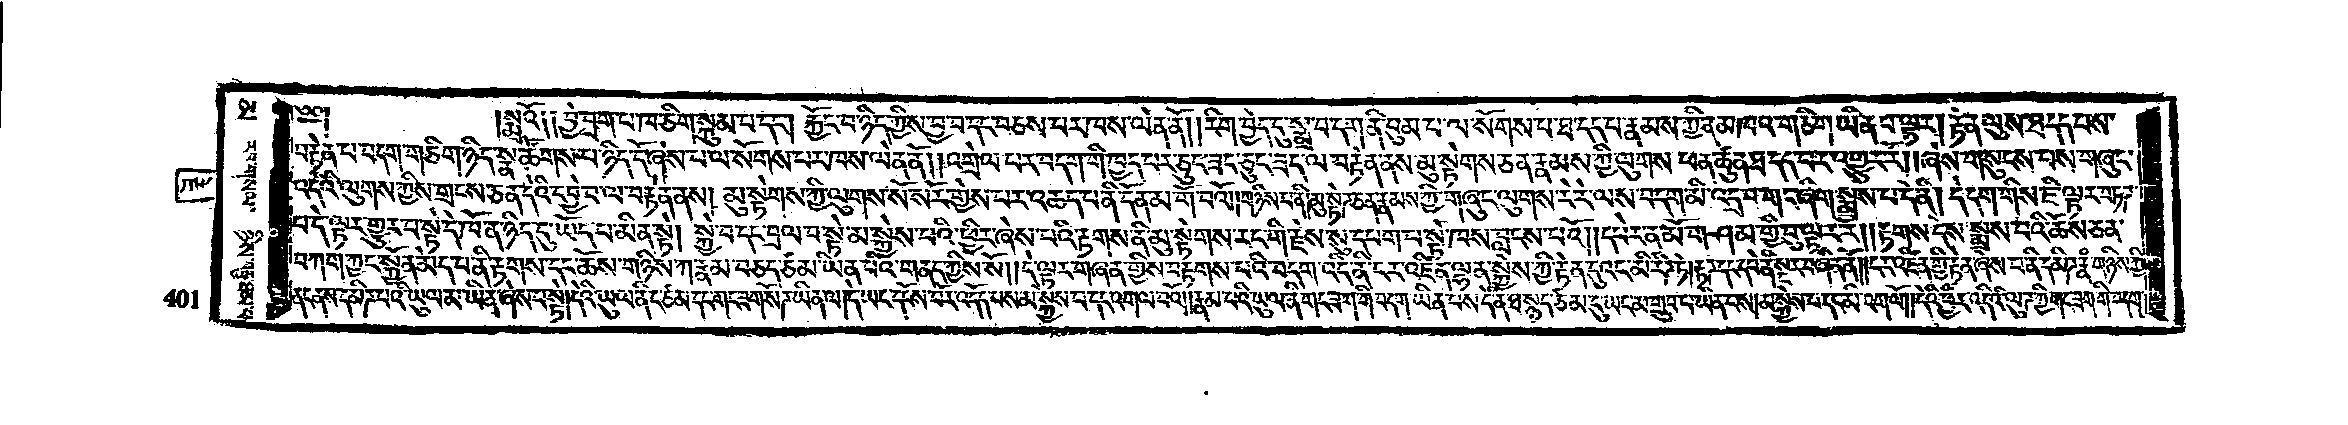༄༅། །སྨྲའོ། །བྱེ་བྲག་པ་ཁ་ཅིག་སྐུམ་པ་དང་། རྐྱོང་བ་ཉིད་ཀྱིས་བྱ་བ་དང་བཅས་པར་ཁས་ལེན་ནོ། །རིག་བྱེད་དུ་སྨྲ་བ་དག་ནི་བུམ་པ་ལ་སོགས་པ་ཐ་དད་པ་རྣམས་ཀྱི་ནམ་མཁའ་གཅིག་ཡིན་པ་ལྟར། རྟེན་ལུས་ཐ་དད་པས་
བརྟེན་པ་བདག་གཅིག་ཉིད་སྣ་ཚོགས་པ་ཉིད་དོ་ཞེས་པ་ལ་སོགས་པར་ཁས་ལེན་ནོ། །འགྲེལ་པར་བདག་གི་ཁྱད་པར་ཅུང་ཟད་ཅུང་ཟད་ལ་བརྟེན་ནས་མུ་སྟེགས་ཅན་རྣམས་ཀྱི་ལུགས་ཕན་ཚུན་ཐ་དད་པར་འགྱུར་རོ། །ཞེས་གསུངས་པས་གཞུང་
འདིའི་ལུགས་ཀྱིས་གྲངས་ཅན་དེའི་དབྱེ་བ་ལ་བརྟེན་ནས། མུ་སྟེགས་ཀྱི་ལུགས་སོ་སོར་གྱེས་པར་འཆད་པ་ནི་དོན་མ་གོ་བའོ། །གཉིས་པ་ནི། མུ་སྟེགས་ཅན་རྣམས་ཀྱི་གཞུང་ལུགས་རེ་རེ་ལས་བདག་མི་འདྲ་བ་གང་ཞིག་སྨྲས་པ་དེ་ནི། དེ་དག་གིས་ཇི་ལྟར་བཏགས་
པ་དེ་ལྟར་གྱུར་པ་སྟེ་དེ་ཁོ་ན་ཉིད་དུ་ཡོད་པ་མིན་སྟེ། སྐྱེ་བ་དང་བྲལ་པ་སྟེ་མ་སྐྱེས་པའི་ཕྱིར་ཞེས་པའི་རྟགས་ནི་མུ་སྟེགས་རང་གི་རྗེས་སུ་དཔག་པ་སྟེ་ཁས་བླངས་པའོ། །དཔེར་ན་མོ་གཤམ་གྱི་བུ་ལྟར་རོ། །རྟགས་དེས་སྨྲས་པའི་ཆོས་ཅན་
བཀག་ཀྱང་སྐྱོན་མེད་པ་ནི་རྟགས་དང་ཆོས་གཉིས་ཀ་རྣམ་བཅད་ཙམ་ཡིན་པའི་གནད་ཀྱིས་སོ། །དེ་ལྟར་གཞན་གྱིས་བརྟགས་པའི་བདག་འདི་ནི་ངར་འཛིན་ལྷན་སྐྱེས་ཀྱི་རྟེན་དུའང་མི་རིགས་ཏེ། རྟགས་དང་དཔེ་ནི་སྔར་བཞིན་ནོ། །ངར་འཛིན་གྱི་རྟེན་ཞེས་བ་ནི་དམིགས་རྣམ་གཉིས་ཀྱི་
ནང་ནས་དམིགས་པའི་ཡུལ་མ་ཡིན་ཞེས་པ་སྟེ། དེའི་ཡུལ་ནི་ང་ཙམ་དང་གང་ཟག་སོགས་ཡིན་ལ། དེ་ཡང་དངོས་པོར་འདོད་པས་མ་སྐྱེས་པ་དང་འགལ་བའོ། །རྣམ་པའི་ཡུལ་ནི་གང་ཟག་གི་བདག་ཡིན་པས་དེ་ནི་ཐ་སྙད་ཙམ་དུ་ཡང་མ་གྲུབ་པ་ཡིན་པས། མ་སྐྱེས་པ་དང་མི་འགལ་ལོ། །དེའི་ཕྱིར་འདིའི་ལུགས་ཀྱི་གང་ཟག་གི་བདག་